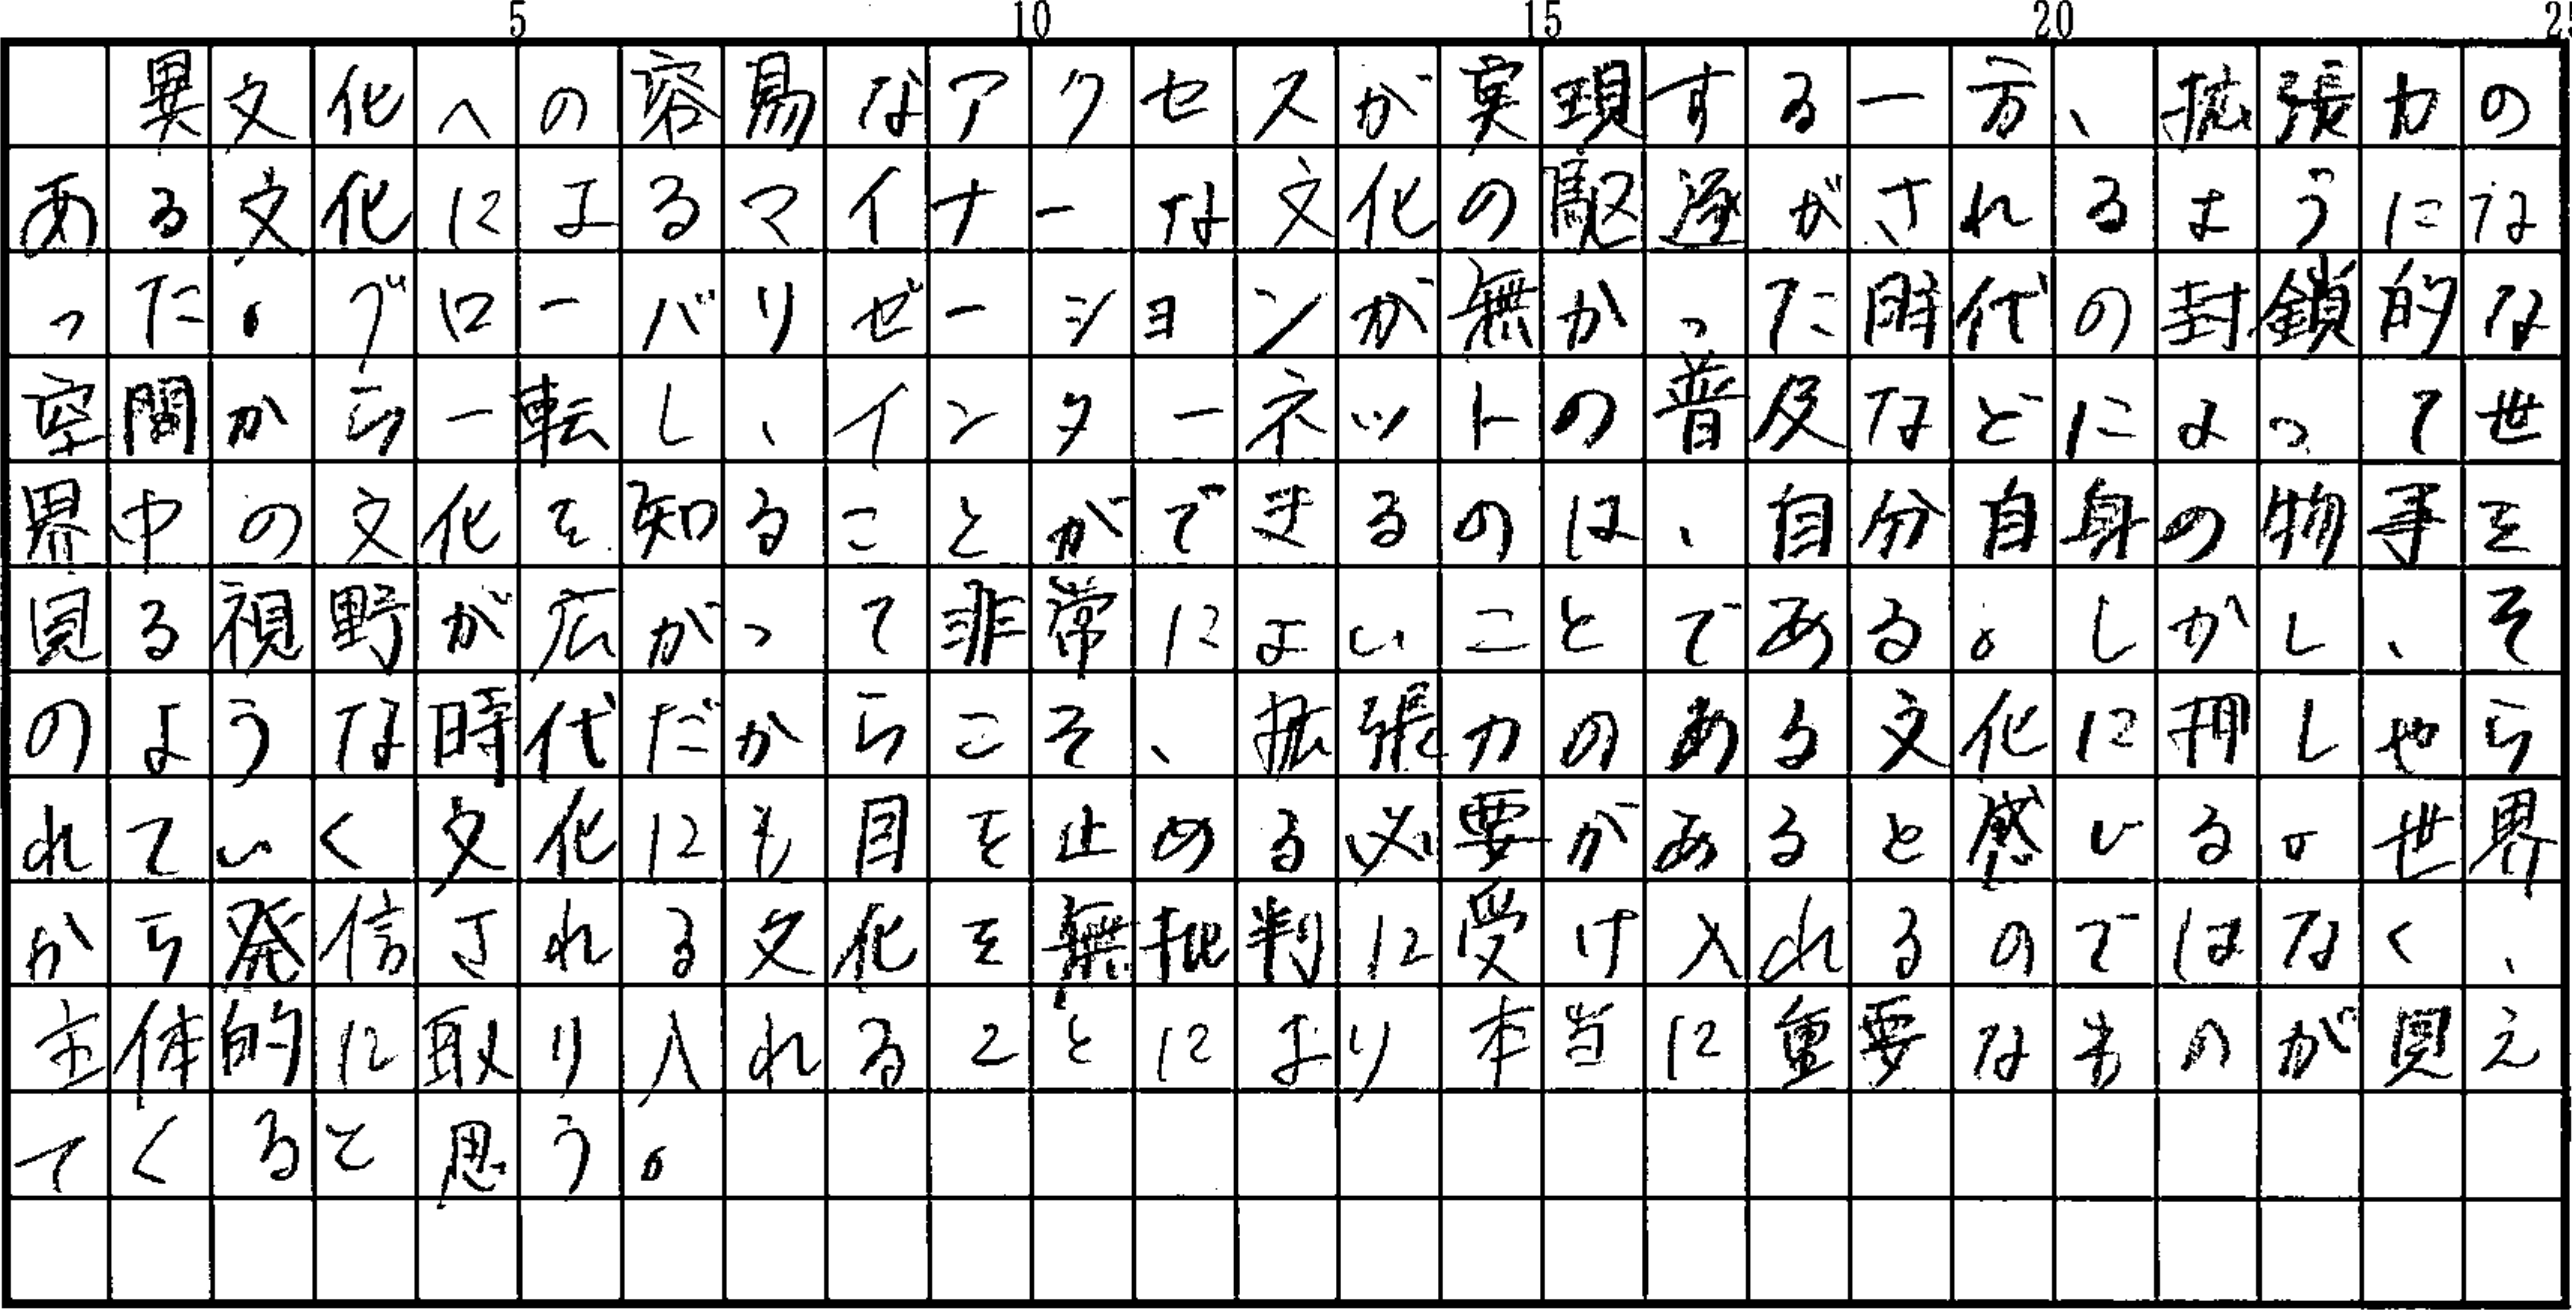  異文化への容易なアクセスが実現する一方、拡張力のある文化によるマイナーな文化の駆逐がされるようになった。グローバリゼーションが無かった時代の封鎖的な空間から一転し、インターネットの普及などによって世界中の文化を知ることができるのは、自分自身の物事を見る視野が広がって非常によいことである。しかし、そのような時代だからこそ、拡張力のある文化に押しやられていく文化にも目を止める必要があると感じる。世界から発信される文化を無批判に受け入れるのではなく、主体的に取り入れることにより本当に重要なものが見えてくると思う。
